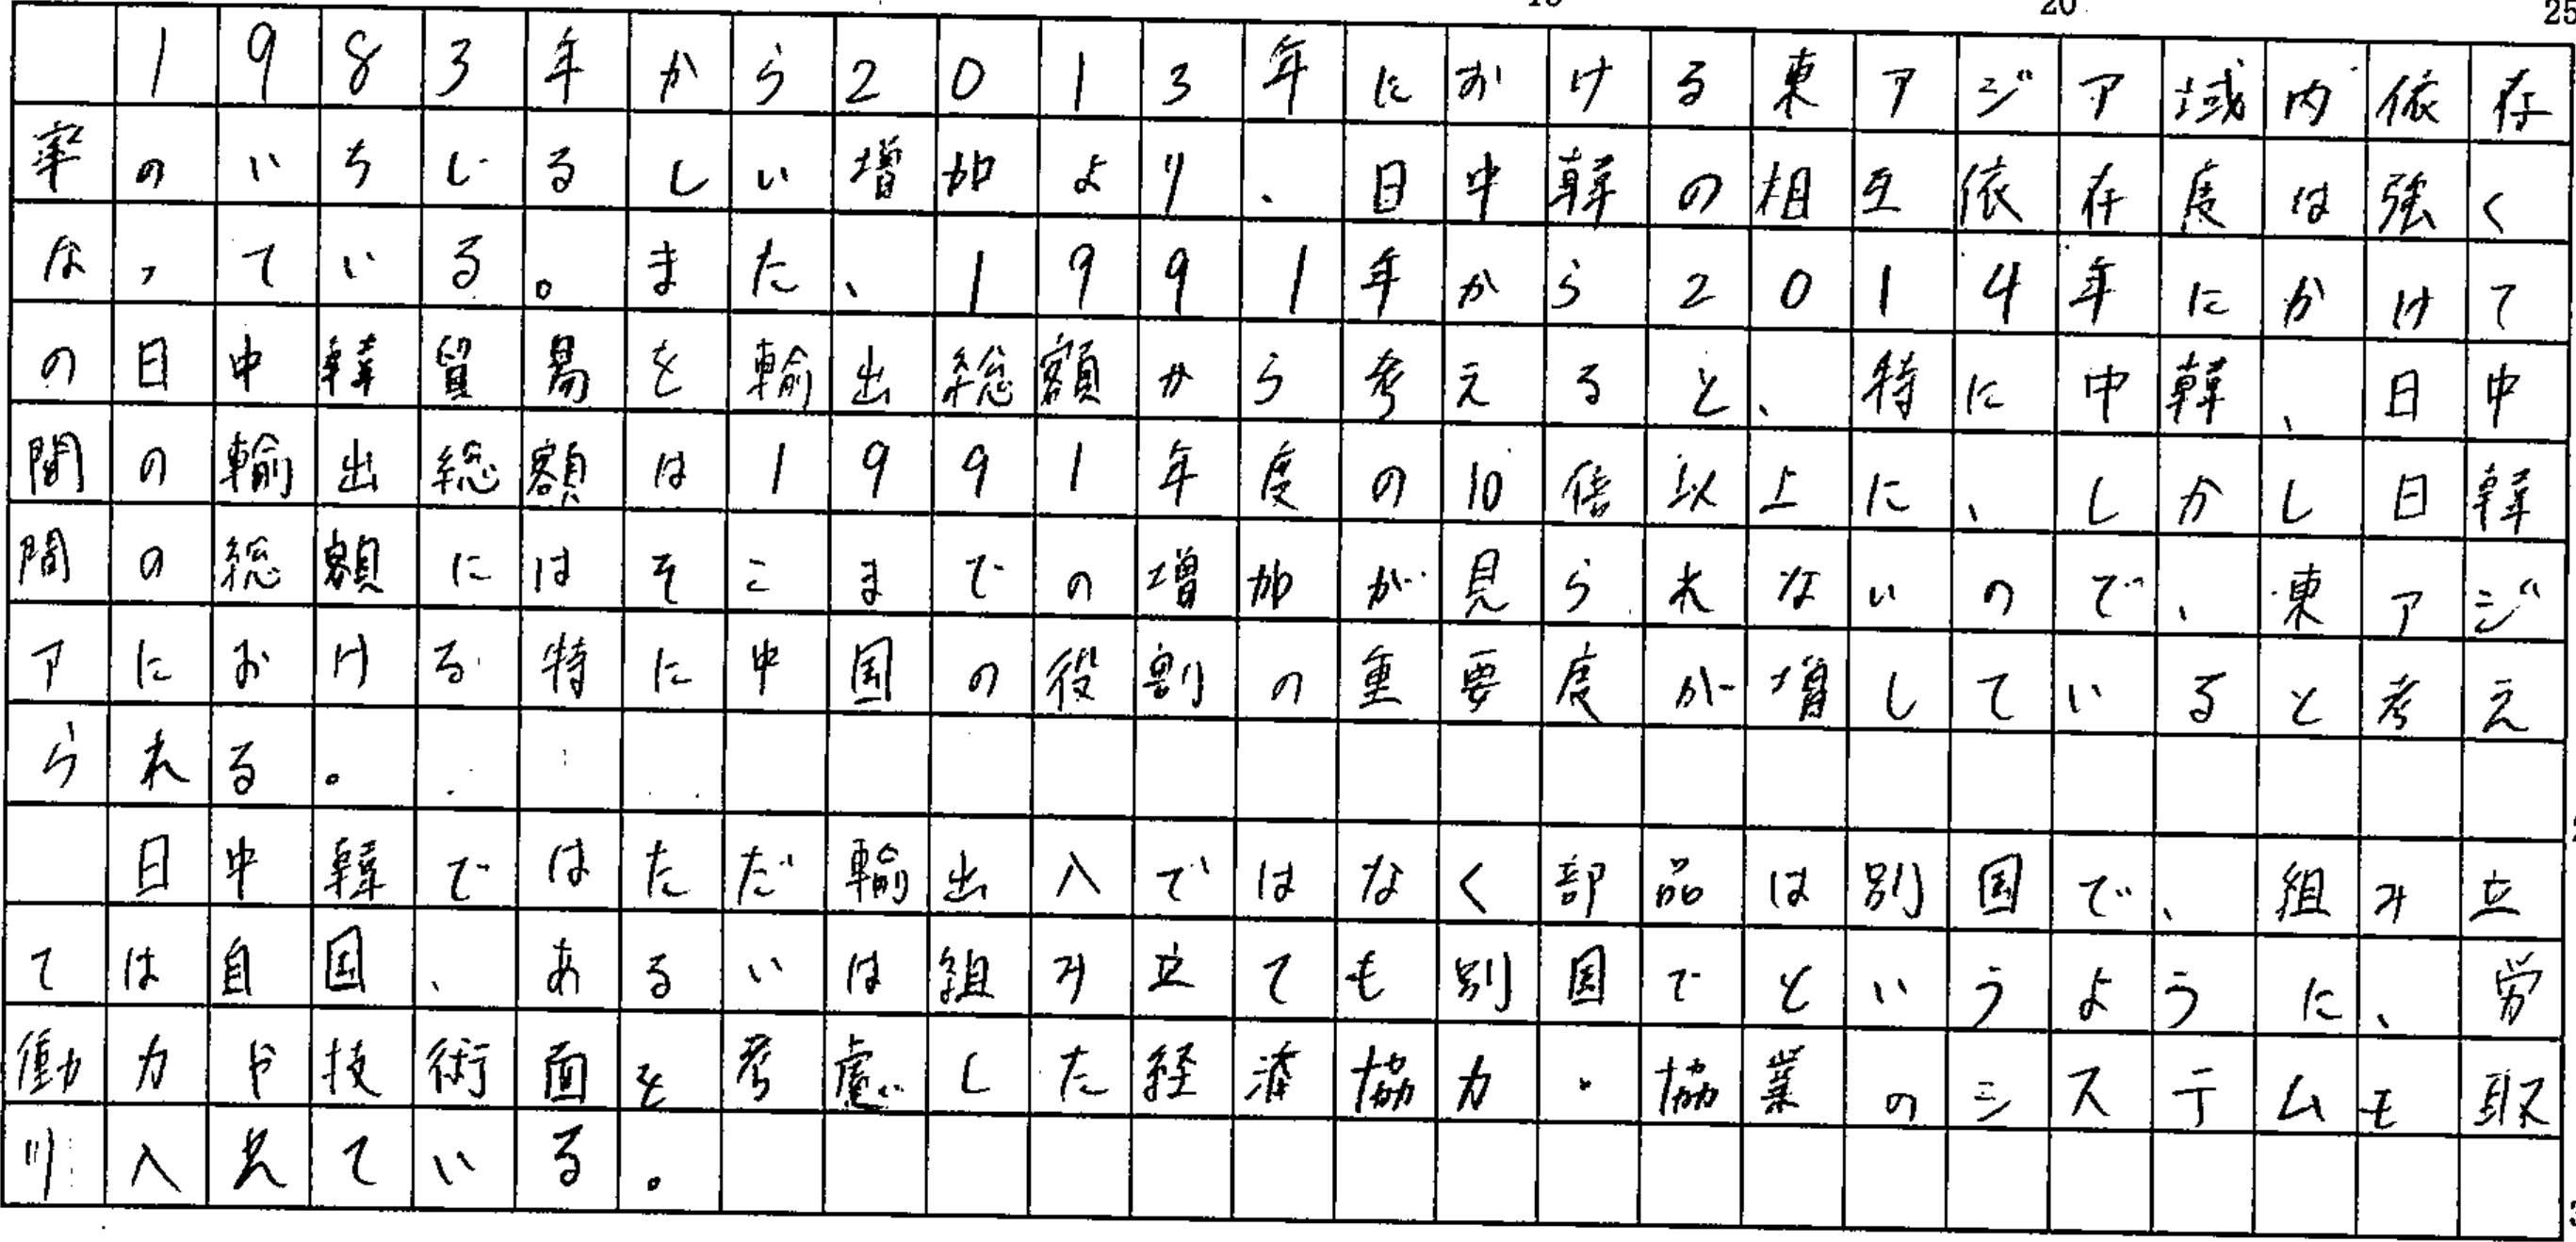　１９８３年から２０１３年における東アジア域内依存率のいちじるしい増加より、日中韓の相互依存度は強くなっている。また、１９９１年から２０１４年にかけての日中韓貿易を輸出総額から考えると、特に中韓、日中間の輸出総額は１９９１年度の10倍以上に、しかし日韓間の総額にはそこまでの増加が見られないので、東アジアにおける特に中国の役割の重要度が増していると考えられる。
　日中韓ではただ輸出入ではなく部品は別国で、組み立ては自国、あるいは組み立ても別国でというように、労働力や技術面を考慮した経済協力・協業のシステムも取り入れている。
